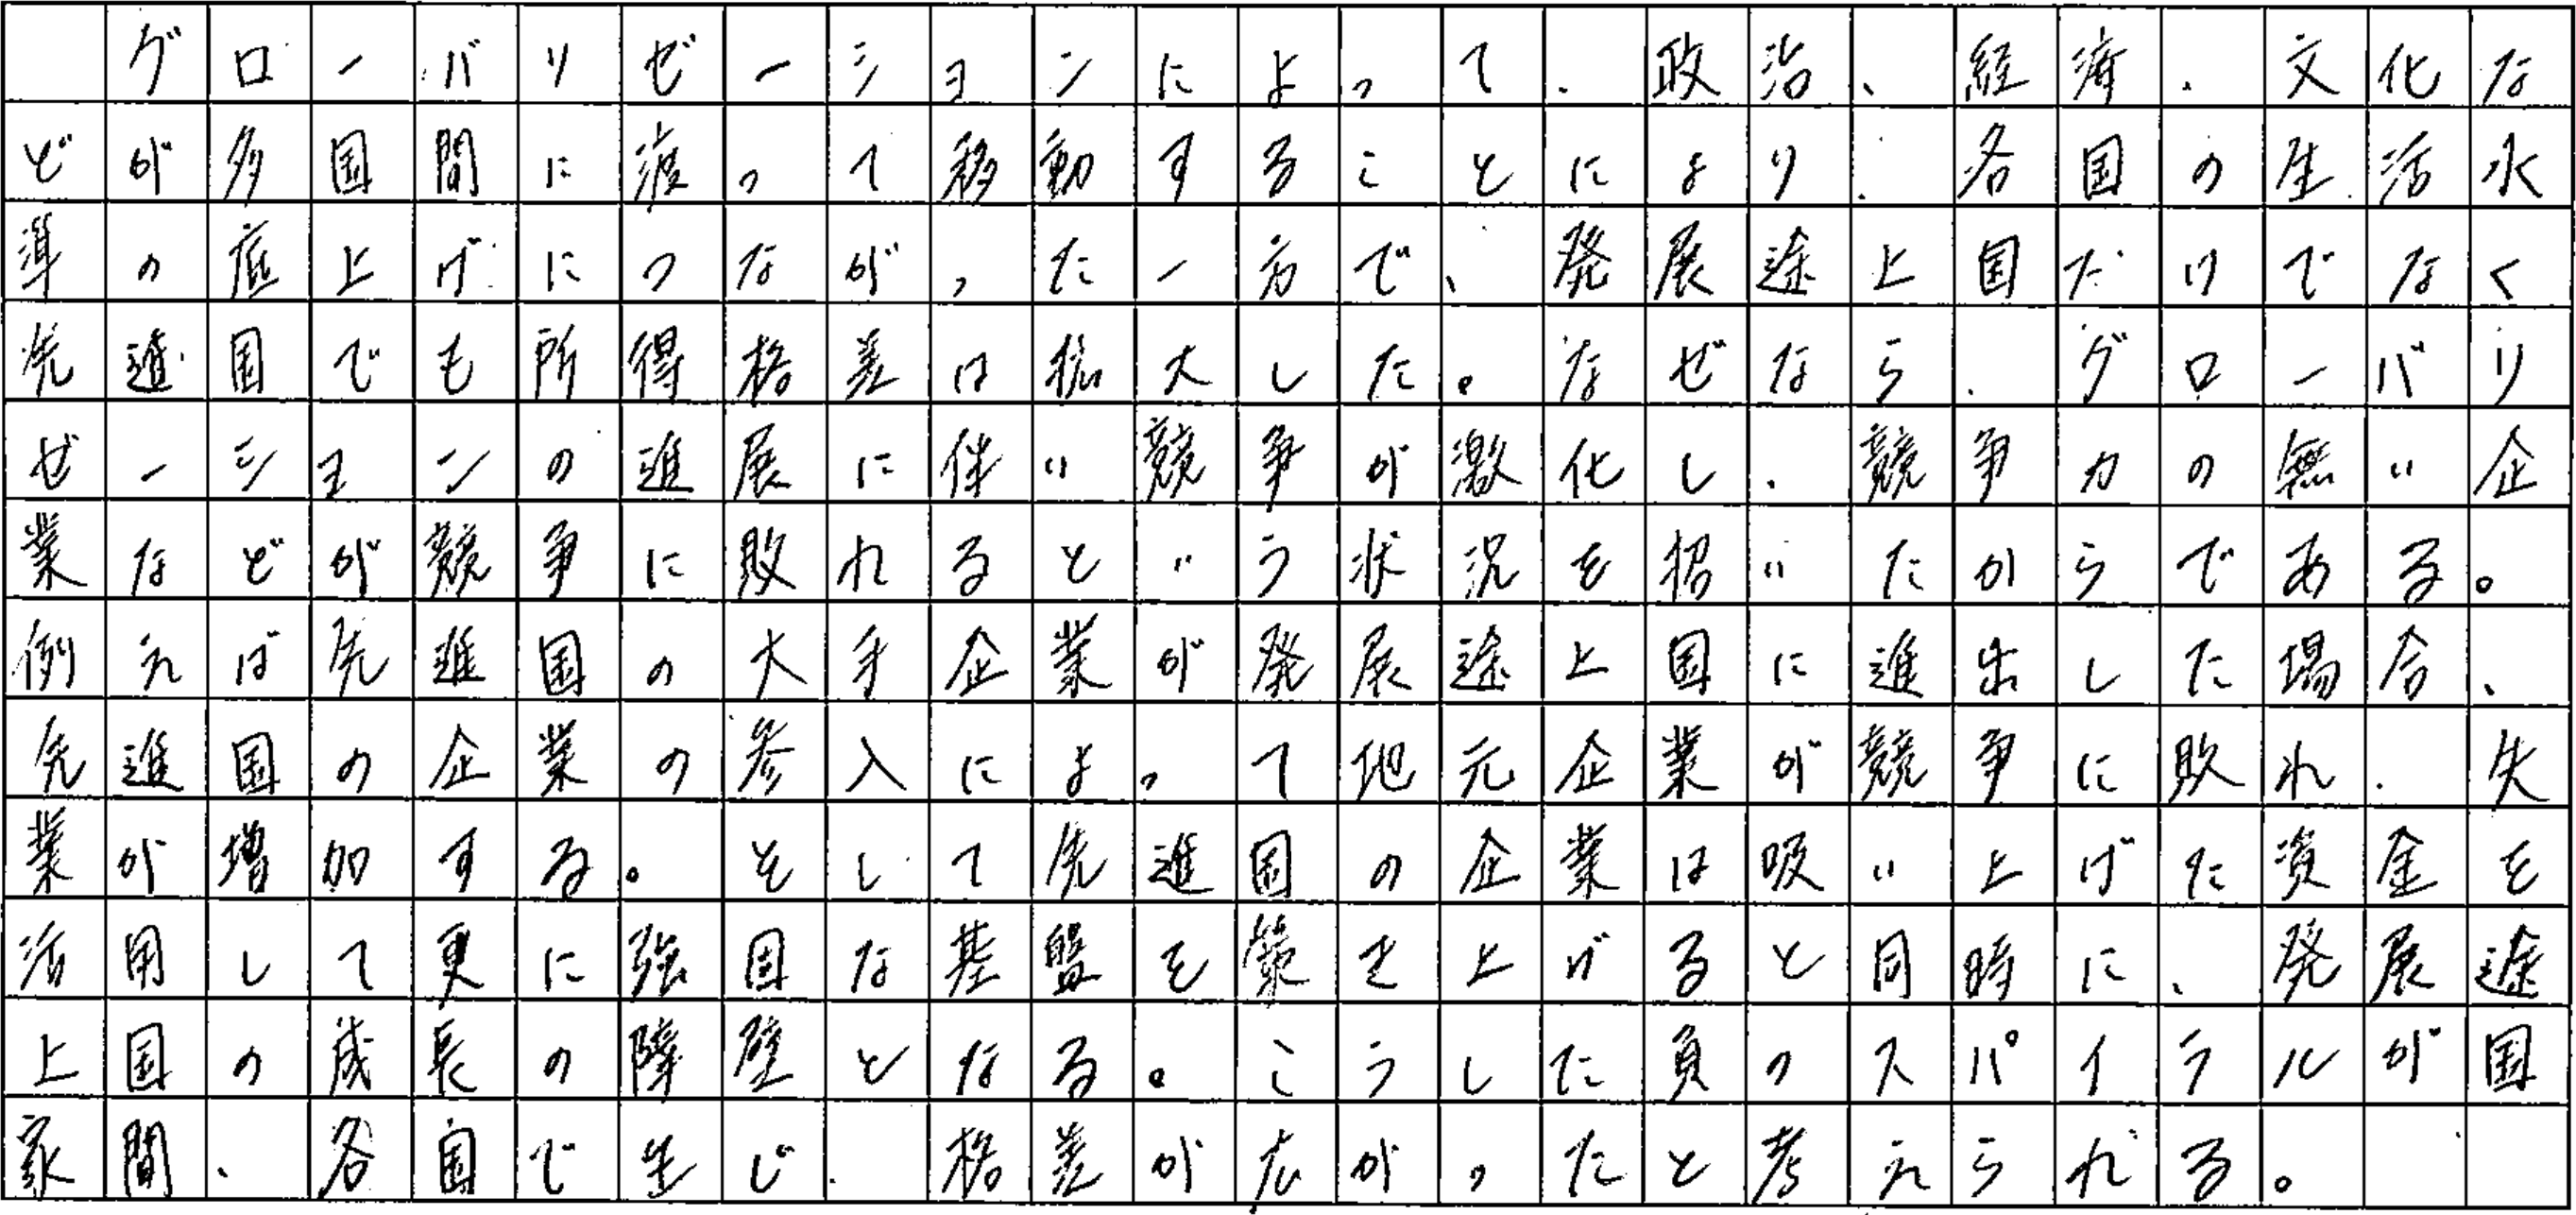　グローバリゼーションによって、政治、経済、文化などが多国間に渡って移動することにより、各国の生活水準の底上げにつながった一方で、発展途上国だけでなく先進国でも所得格差は拡大した。なぜなら、グローバリゼーションの進展に伴い競争が激化し、競争力の無い企業などが競争に敗れるという状況を招いたからである。例えば先進国の大手企業が発展途上国に進出した場合、先進国の企業の参入によって地元企業が競争に敗れ、失業が増加する。そして先進国の企業は吸い上げた資金を活用して更に強固な基盤を策き上げると同時に、発展途上国の成長の障壁となる。こうした負のスパイラルが国家間、各国で生じ、格差が広がったと考えられる。
